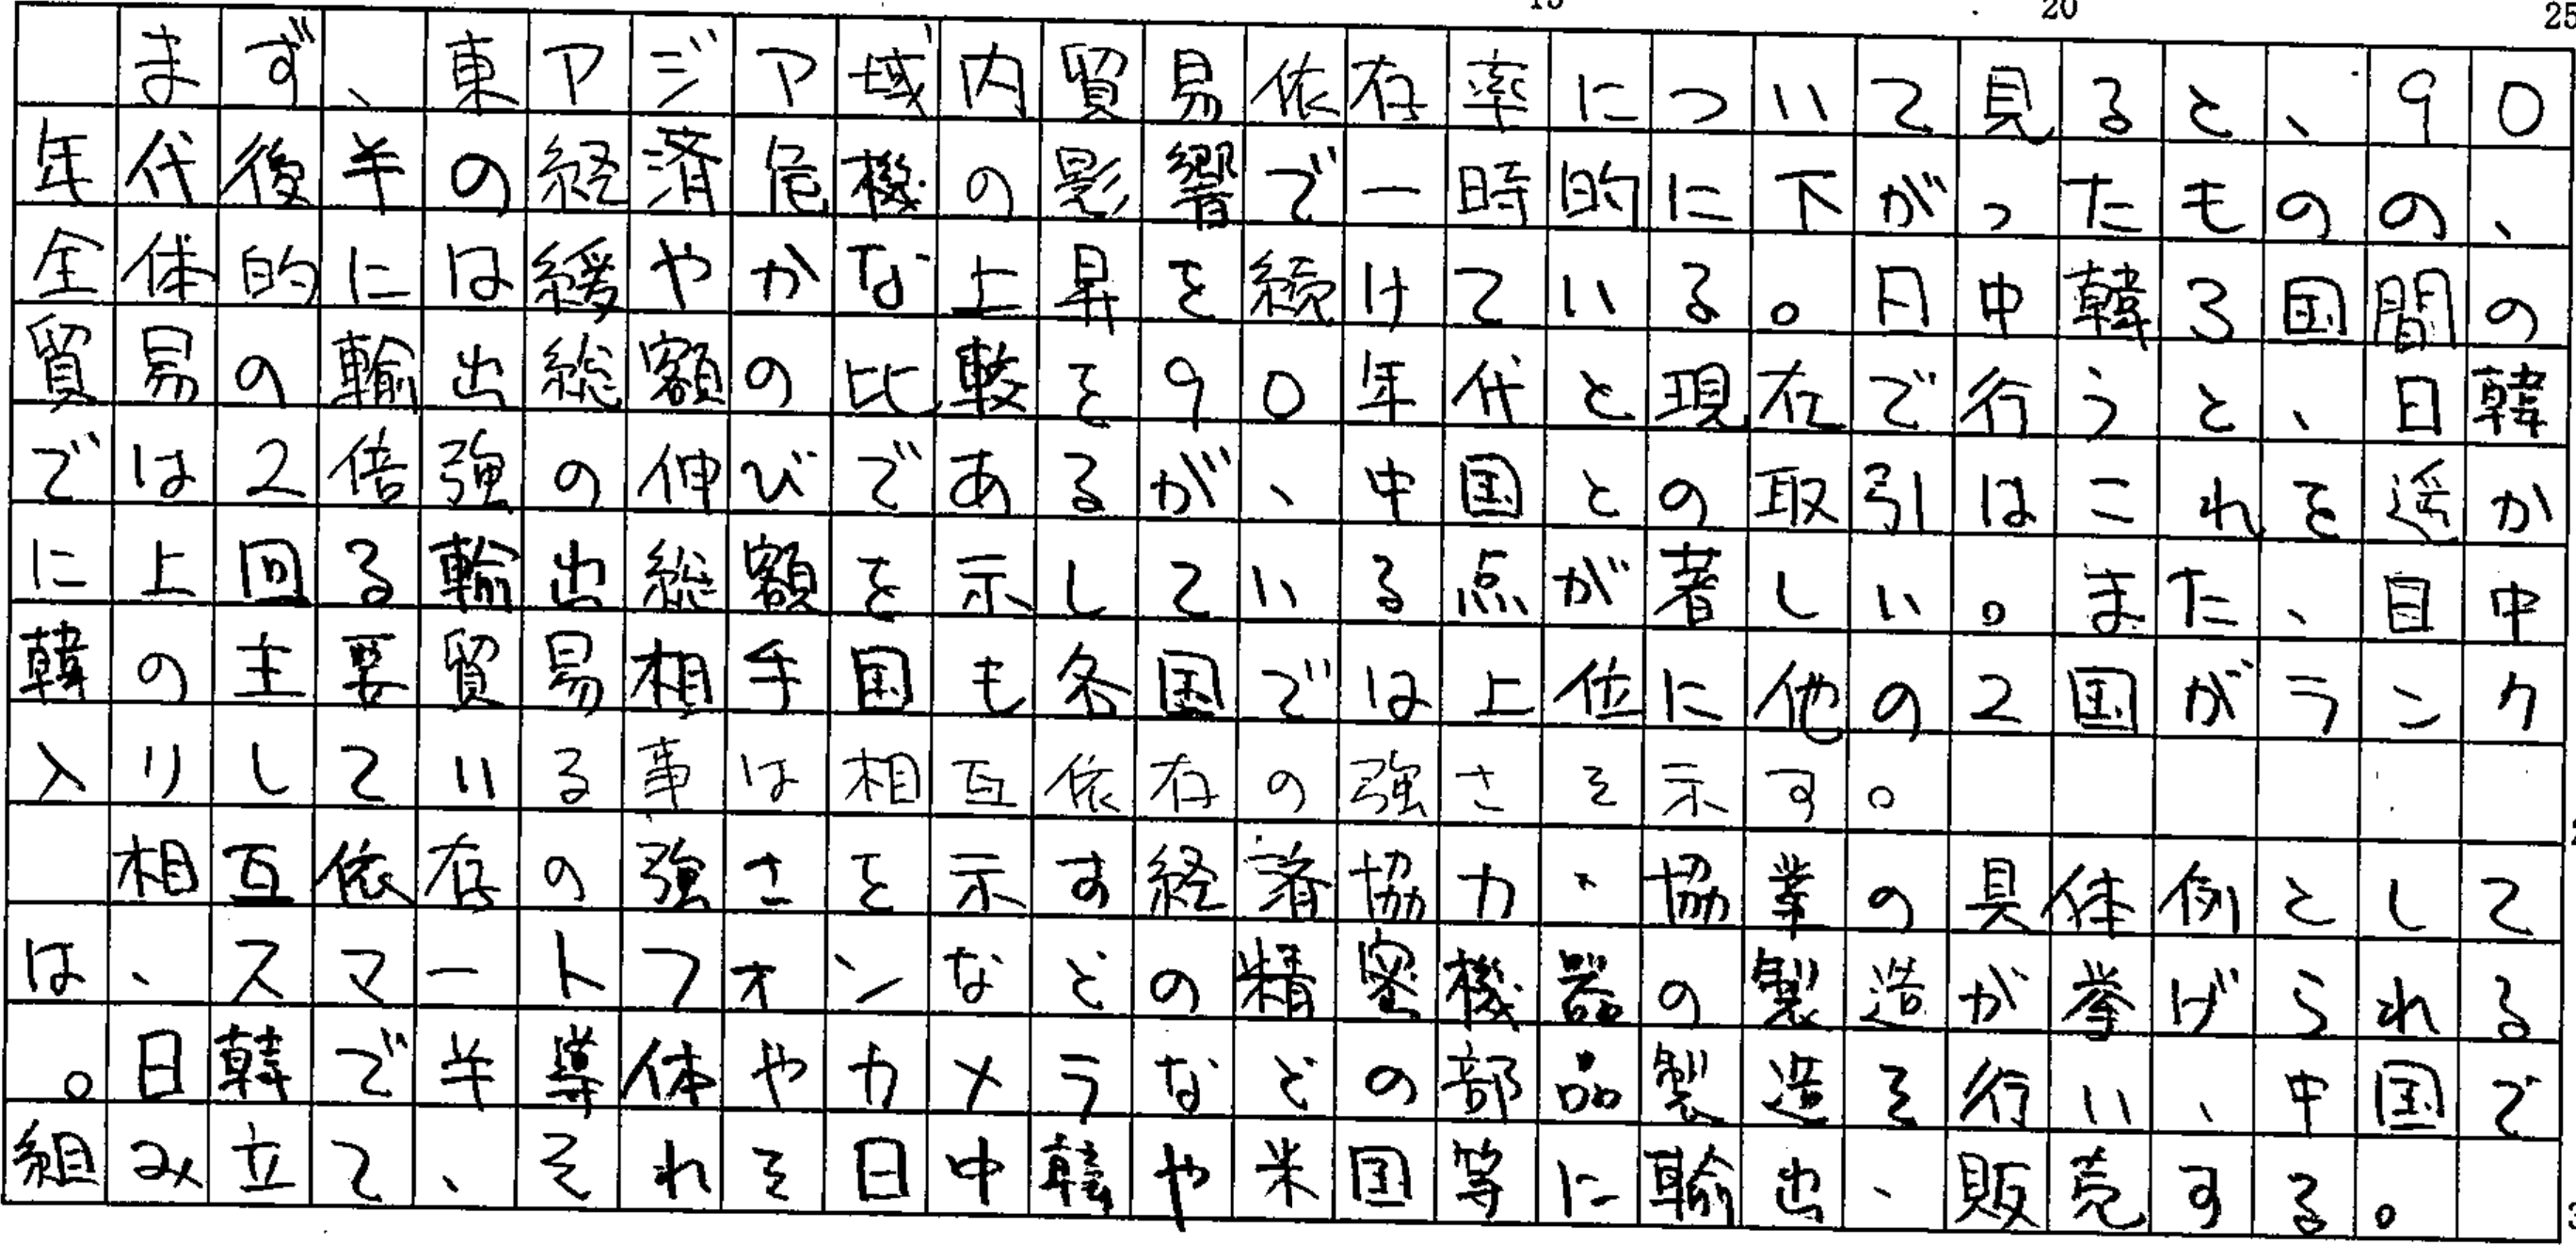　まず、東アジア域内貿易依存率について見ると、９０年代後半の経済危機の影響で一時的に下がったものの、全体的には緩やかな上昇を続けている。日中韓３国間の貿易の輸出総額の比較を９０年代と現在で行うと、日韓では２倍強の伸びであるが、中国との取引はこれを遙かに上回る輸出総額を示している点が著しい。また、日中韓の主要貿易相手国も各国では上位に他の２国がランク入りしている事は相互依存の強さを示す。
　相互依存の強さを示す経済協力・協業の具体例としては、スマートフォンなどの精密機器の製造が挙げられる。日韓で半導体やカメラなどの部品製造を行い、中国で組み立て、それを日中韓や米国等に輸出・販売する。
